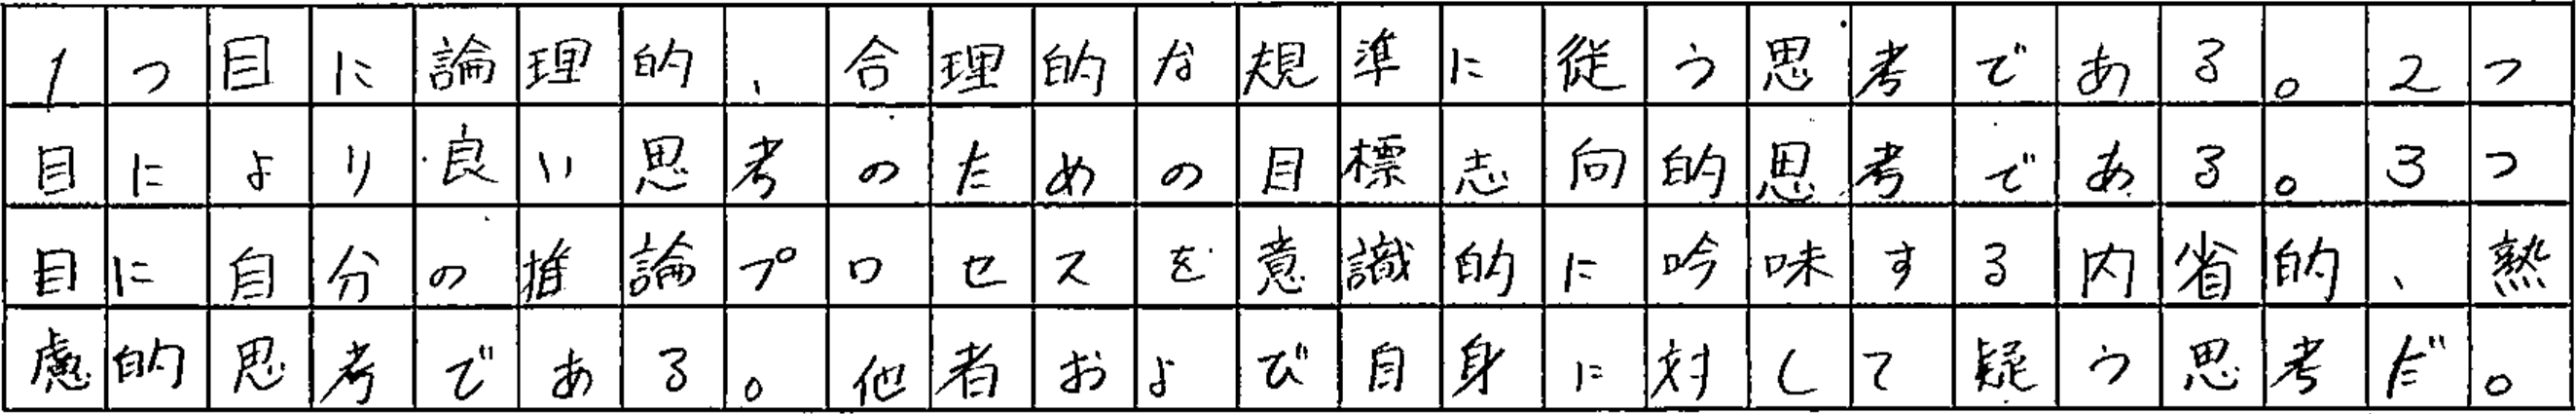１つ目に論理的、合理的な規準に従う思考である。２つ目により良い思考のための目標志向的思考である。３つ目に自分の推論プロセスを意識的に吟味する内省的、熟慮的思考である。他者および自身に対して疑う思考だ。
